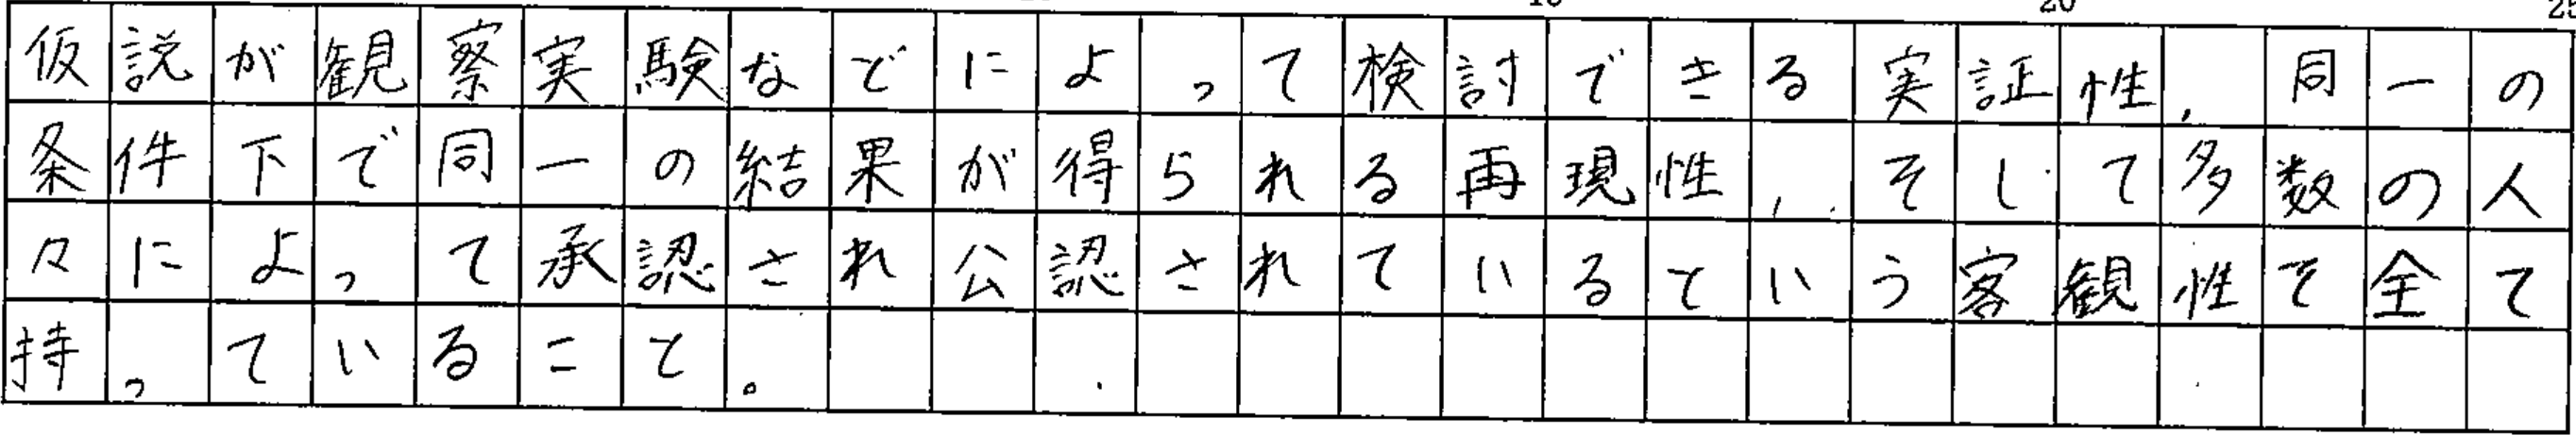仮説が観察実験などによって検討できる実証性、同一の条件下で同一の結果が得られる再現性、そして多数の人々によって承認され公認されているという客観性を全て持っていること。
